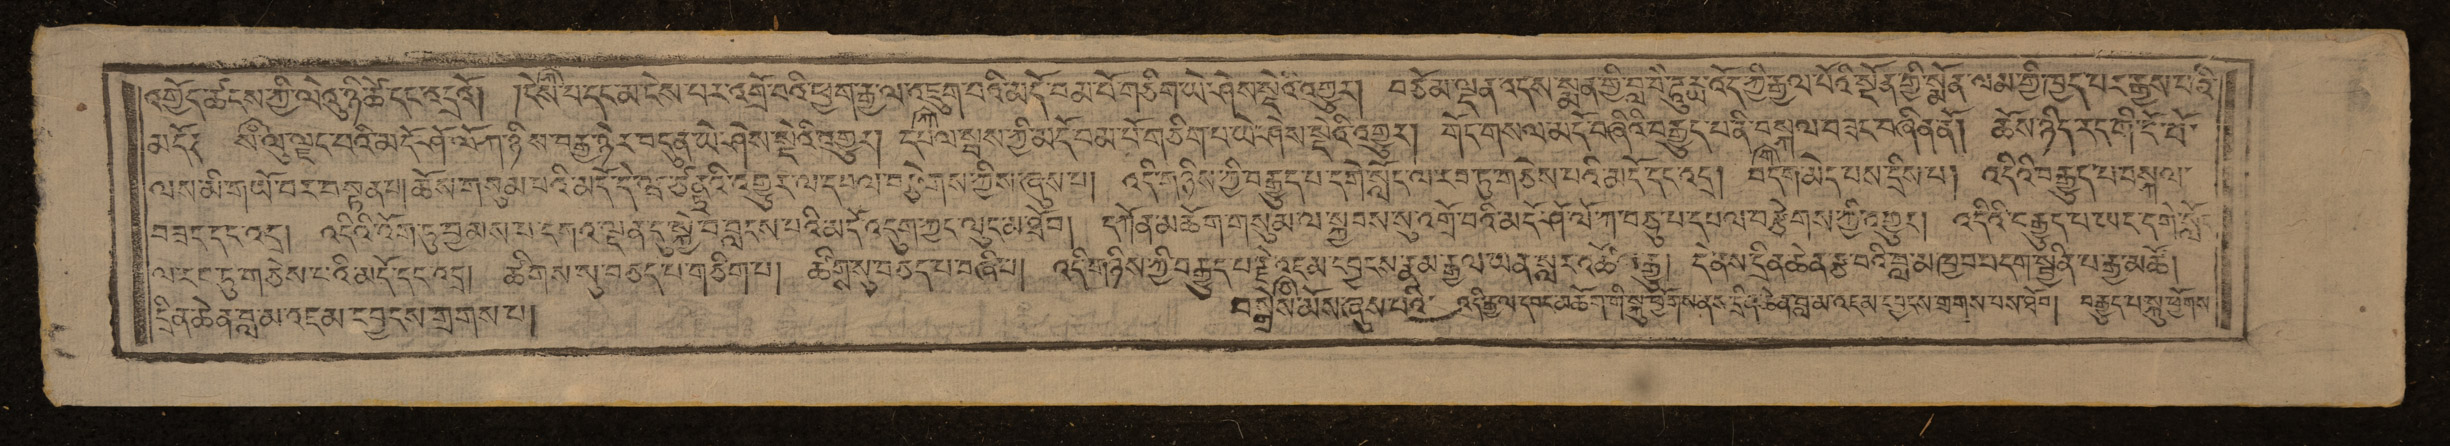འགྱོད་ཚངས་ཀྱི་ལེའུ་ཉི་ཚེ་དང་འདྲའོ། །ངེས་པ་དང་མ་ངེས་པར་འགྲོ་བའི་ཕྱག་རྒྱལ་འཇུག་པའི་མདོ་བམ་པོ་གཅིག་ཡེ་ཤེས་སྡེའི་འགྱུར། བཅོམ་ལྡན་འདས་སྨན་གྱི་བླ་བ་ཌཱུརྱ་འོད་ཀྱི་རྒྱལ་པོའི་སྔོན་གྱི་སྨོན་ལམ་གྱི་ཁྱད་པར་རྒྱས་པའི་
མདོ༑ ས་ལུ་ལྗང་བའི་མདོ་ཤོ་ལོ་གཉིས་བརྒྱ་ཉེར་བདུན་ཡེ་ཤེས་སྡེའི་འགྱུར། དཔལ་སྦས་ཀྱི་མདོ་བམ་པོ་གཅིག་པ་ཡེ་ཤེས་སྡེའི་འགྱུར། གོང་གསལ་མདོ་བཞིའི་བརྒྱུད་པ་ནི་བསྐལ་བཟང་བཞིན་ནོ། ཆོས་ཉིད་རང་གི་ངོ་བོ་
ལས་མི་གཡོ་བར་བསྟན་པ་ཆོས་གསུམ་པའི་མདོ་དེ་ཝ་ཙནྟའི་འགྱུར་ལ་དཔལ་བརྩེགས་ཀྱིས་ཞུས་པ། འདི་གཉིས་ཀྱི་བརྒྱུད་པ་དགེ་སློང་ལ་རབ་ཏུ་གཅེས་པའི་མདོ་དང་འདྲ། བདག་མེད་པས་དྲིས་པ། འདིའི་བརྒྱུད་པ་བསྐལ་
བཟང་དང་འདྲ། འདིའི་འོག་ཏུ་བྱམས་པ་དགའ་ལྡན་དུ་སྐྱེ་བ་བླངས་པའི་མདོ་འདུག་ཀྱང་ལུང་མཐོབ། དཀོན་མཆོག་གསུམ་ལ་སྐྱབས་སུ་འགྲོ་བའི་མདོ་ཤོ་ལོ་ཀ་བརྟེན་དཔལ་བརྩེགས་ཀྱི་འགྱུར། འདིའི་བརྒྱུད་པ་ཡང་དགེ་སློང་
ལ་རབ་ཏུ་གཅེས་པའི་མདོ་དང་འདྲ། ཚིགས་སུ་བཅད་པ་གཅིག་པ། ཚིགས་སུ་བཅད་པ་བཞི་པ། འདི་གཉིས་ཀྱི་བརྒྱུད་པ་རྗེ་འཇམ་དབྱངས་རྣམ་རྒྱལ་ཡན་སྐྲར་འཚོ་རྒྱུ། དེ་ནས་དྲིན་ཆེན་རྩ་བའི་བླ་མ་ཁྱབ་བདག་སྦྱིན་པ་རྒྱ་མཚོ།
དྲིན་ཆེན་བླ་མ་འཇམ་དབྱངས་གྲགས་པ། བསྒྲེས་མོས་ཞུས་པའི་འདི་རྒྱལ་དང་དམ་ཚིག་གི་སྐུ་ཕྱོགས་ནས་དྲིན་ཆེན་བླ་མ་འཇམ་དབྱངས་གྲགས་པས་ཐོབ། བརྒྱུད་པ་སྐུ་ཕྱོགས་